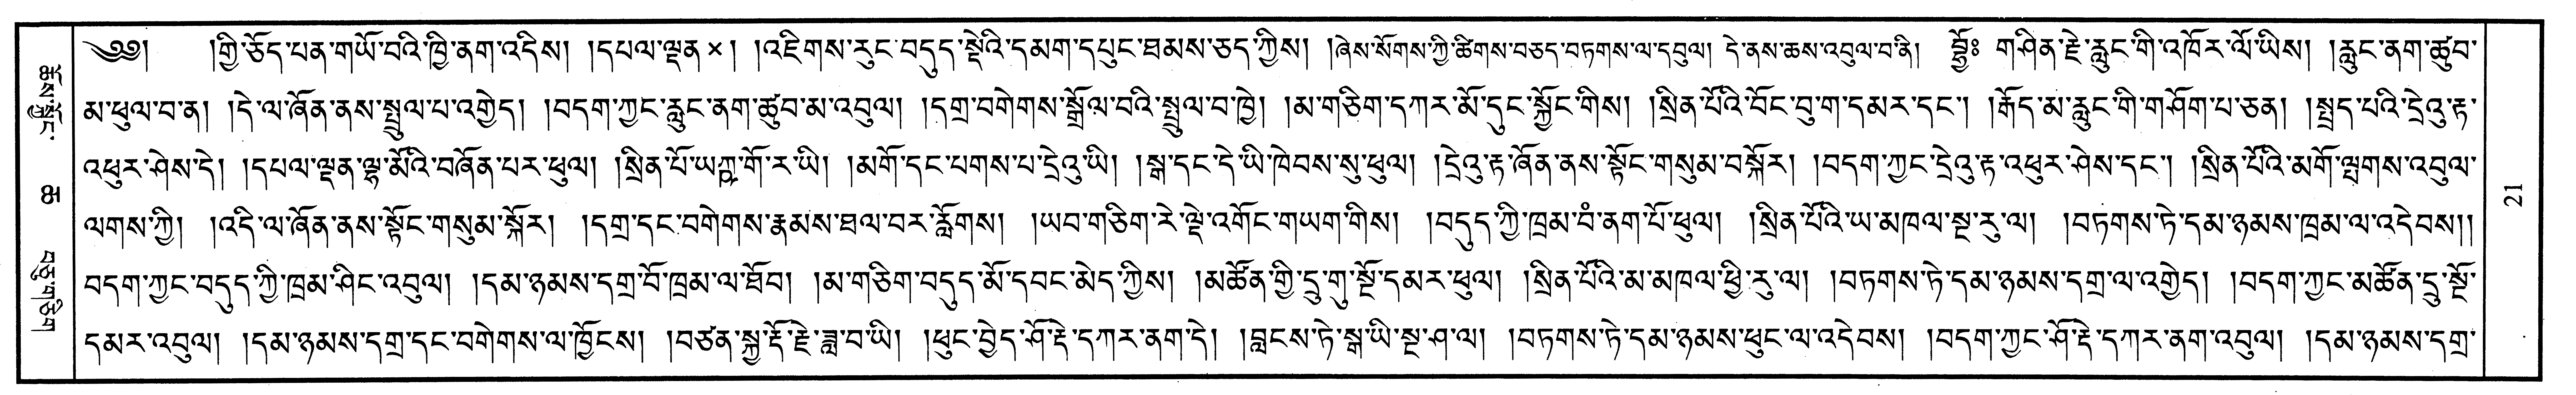༄༅། །གྱི་ཅོད་པན་གཡོ་བའི་ཁྱི་ནག་འདིས། །དཔལ་ལྡན་྾། །འཇིགས་རུང་བདུད་སྡེའི་དམག་དཔུང་ཐམས་ཅད་ཀྱིས། །ཞེས་སོགས་ཀྱི་ཚིགས་བཅད་བཏགས་ལ་དབུལ། །དེ་ནས་ཆས་འབུལ་བ་ནི། བྷྱོཿ གཤིན་རྗེ་རླུང་གི་འཁོར་ལོ་ཡིས། །རླུང་ནག་ཚུབ་
མ་ཕུལ་བ་ན། །དེ་ལ་ཞོན་ནས་སྤྲུལ་པ་འགྱེད། །བདག་ཀྱང་རླུང་ནག་ཚུབ་མ་འབུལ། །དགྲ་བགེགས་སྒྲོལ་བའི་སྤྲུལ་བ་ཁྱེ། །མ་གཅིག་དཀར་མོ་དུང་སྐྱོང་གིས། །སྲིན་པོའི་བོང་བུ་ག་དམར་དང་། །རྒོད་མ་རླུང་གི་གཤོག་པ་ཅན། །སྤྲད་པའི་དྲེའུ་རྟ་
འཕུར་ཤེས་དེ། །དཔལ་ལྡན་ལྷ་མོའི་བཞོན་པར་ཕུལ། །སྲིན་པོ་ཡཀྵ་གོ་ར་ཡི། །མགོ་དང་པགས་པ་དྲེའུ་ཡི། །སྒ་དང་དེ་ཡི་ཁེབས་སུ་ཕུལ། །དྲེའུ་རྟ་ཞོན་ནས་སྟོང་གསུམ་བསྐོར། །བདག་ཀྱང་དྲེའུ་རྟ་འཕུར་ཤེས་དང་། །སྲིན་པོའི་མགོ་ལྤགས་འབུལ་
ལགས་ཀྱི། །འདི་ལ་ཞོན་ནས་སྟོང་གསུམ་སྐོར། །དགྲ་དང་བགེགས་རྣམས་ཐལ་བར་རློགས། །ཡབ་གཅིག་རེ་ལྡེ་འགོང་གཡག་གིས། །བདུད་ཀྱི་ཁྲམ་བཾ་ནག་པོ་ཕུལ། །སྲིན་པོའི་ཡ་མཁལ་སྔ་རུ་ལ། །བཏགས་ཏེ་དམ་ཉམས་ཁྲམ་ལ་འདེབས།།
བདག་ཀྱང་བདུད་ཀྱི་ཁྲམ་ཤིང་འབུལ། །དམ་ཉམས་དགྲ་བོ་ཁྲམ་ལ་ཐོབ། །མ་གཅིག་བདུད་མོ་དབང་མེད་ཀྱིས། །མཚོན་གྱི་དྲུ་གུ་སྔོ་དམར་ཕུལ། །སྲིན་པོའི་མ་མཁལ་ཕྱི་རུ་ལ། །བཏགས་ཏེ་དམ་ཉམས་དགྲ་ལ་འགྱེད། །བདག་ཀྱང་མཚོན་དྲུ་སྔོ་
དམར་འབུལ། །དམ་ཉམས་དགྲ་དང་བགེགས་ལ་ཁྱོངས། །བཙན་སྐྱ་རྡོ་རྗེ་ཟླ་བ་ཡི། །ཕུང་བྱེད་ཤོ་རྡེ་དཀར་ནག་དེ། །བླངས་ཏེ་སྒ་ཡི་སྔ་ཤ་ལ། །བཏགས་ཏེ་དམ་ཉམས་ཕུང་ལ་འདེབས། །བདག་ཀྱང་ཤོ་རྡེ་དཀར་ནག་འབུལ། །དམ་ཉམས་དགྲ་